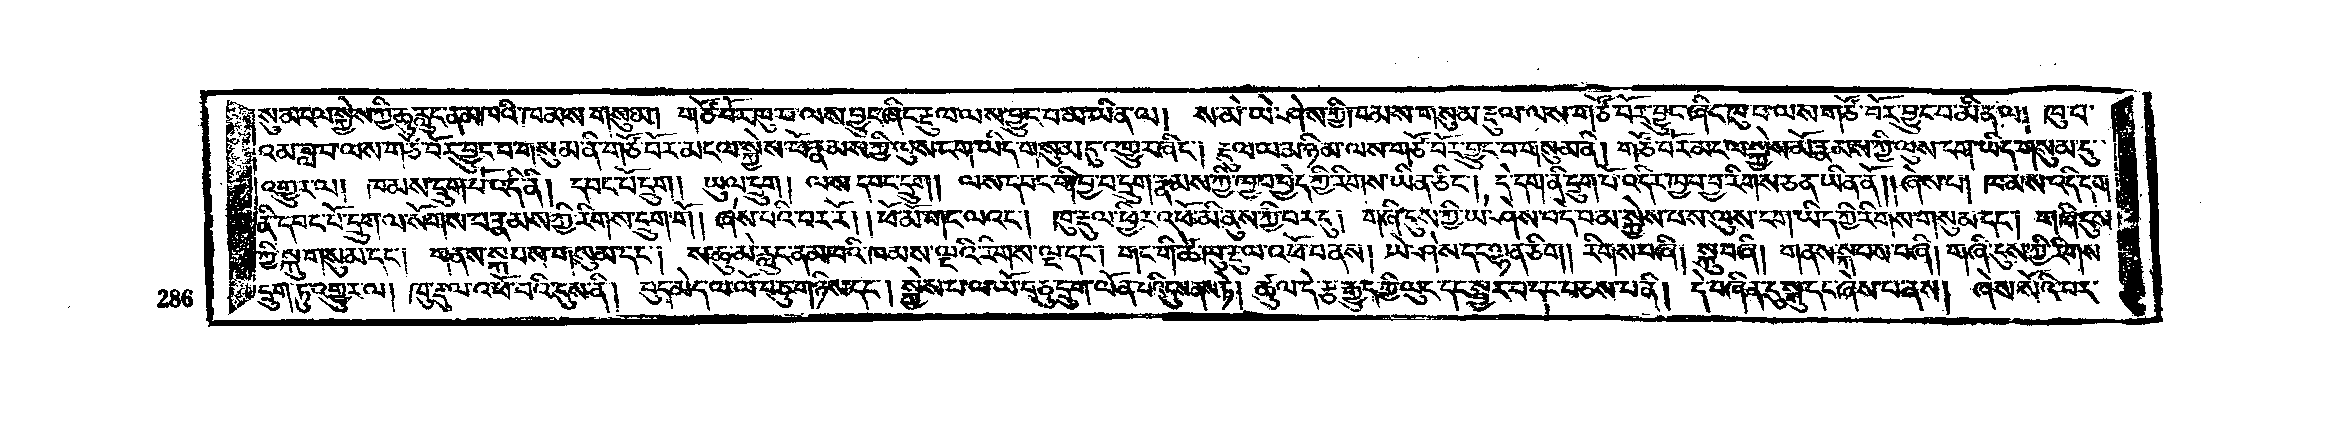སུ་མངལ་སྐྱེས་ཀྱི་ཆུ་རླུང་ནམ་མཁའི་ཁམས་གསུམ། གཙོ་བོར་ཁུ་བ་ལས་བྱུང་ཞིང་རྡུལ་ལས་བྱུང་བ་མ་ཡིན་ལ། ས་མེ་ཡེ་ཤེས་ཀྱི་ཁམས་གསུམ་རྡུལ་ལས་གཙོ་བོར་བྱུང་ཞིང་ཁུ་བ་ལས་གཙོ་བོར་བྱུང་བ་མིན་ལ། ཁུ་བ་
འམ་ཟླ་བ་ལས་གཙོ་བོར་བྱུང་བ་གསུམ་ནི་གཙོ་བོར་མངལ་སྐྱེས་ཕོ་རྣམས་ཀྱི་ལུས་ངག་ཡིད་གསུམ་དུ་འགྱུར་ཞིང་། རྡུལ་ལམ་ཉི་མ་ལས་གཙོ་བོར་བྱུང་བ་གསུམ་ནི། གཙོ་བོར་མངལ་སྐྱེས་མོ་རྣམས་ཀྱི་ལུས་ངག་ཡིད་གསུམ་དུ་
འགྱུར་ལ། ཁམས་དྲུག་པོ་འདི་ནི། དབང་པོ་དྲུག །ཡུལ་དྲུག །ལས་དབང་དྲུག །ལས་དབང་གི་བྱ་བ་དྲུག་རྣམས་ཀྱི་ཁྱབ་བྱེད་ཀྱི་རིགས་ཡིན་ཅིང་། དེ་དག་ནི་དྲུག་པོ་འདིར་ཁྱབ་བྱ་རིགས་ཅན་ཡིན་ནོ། །ཞེས་པ། ཁམས་འདི་དག་
ནི་དབང་པོ་དྲུག་ལ་སོགས་པ་རྣམས་ཀྱི་རིགས་དྲུག་གོ །ཞེས་པའི་བར་རོ། །ཕོ་མོ་གང་ལའང་། ཁུ་རྡུལ་ཕྱིར་འཕོ་མི་ནུས་ཀྱི་བར་དུ། གཞི་དུས་ཀྱི་ཡེ་ཤེས་བདེ་བ་མ་སྐྱེས་པས་ལུས་ངག་ཡིད་ཀྱི་རིགས་གསུམ་དང་། གཞི་དུས་
ཀྱི་སྐུ་གསུམ་དང་། གནས་སྐབས་གསུམ་དང་། ས་ཆུ་མེ་རླུང་ནམ་མཁའི་ཁམས་ལྔའི་རིགས་ལྔ་དང་། གང་གི་ཚེ་ཁུ་རྡུལ་འཕོ་བ་ནས། ཡེ་ཤེས་དང་ལྷན་ཅིག །རིགས་བཞི། སྐུ་བཞི། གནས་སྐབས་བཞི། གཞུ་དུས་ཀྱི་རིགས་
དྲུག་ཏུ་འགྱུར་ལ། ཁུ་རྡུལ་འཕོ་བའི་དུས་ནི། བུད་མེད་ལ་ལོ་བཅུ་གཉིས་དང་། སྐྱེས་པ་ལ་ལོ་བཅུ་དྲུག་ལོན་པའི་དུས་ནས་ཏེ། ཚུལ་གདེ་རྩ་རྒྱུད་ཀྱི་ལུང་དང་སྦྱར་བ་དང་བཅས་པ་ནི། དེ་བཞིན་དུ་སྐུ་དང་ཞེས་པ་ནས། ཞེས་སོའི་བར་